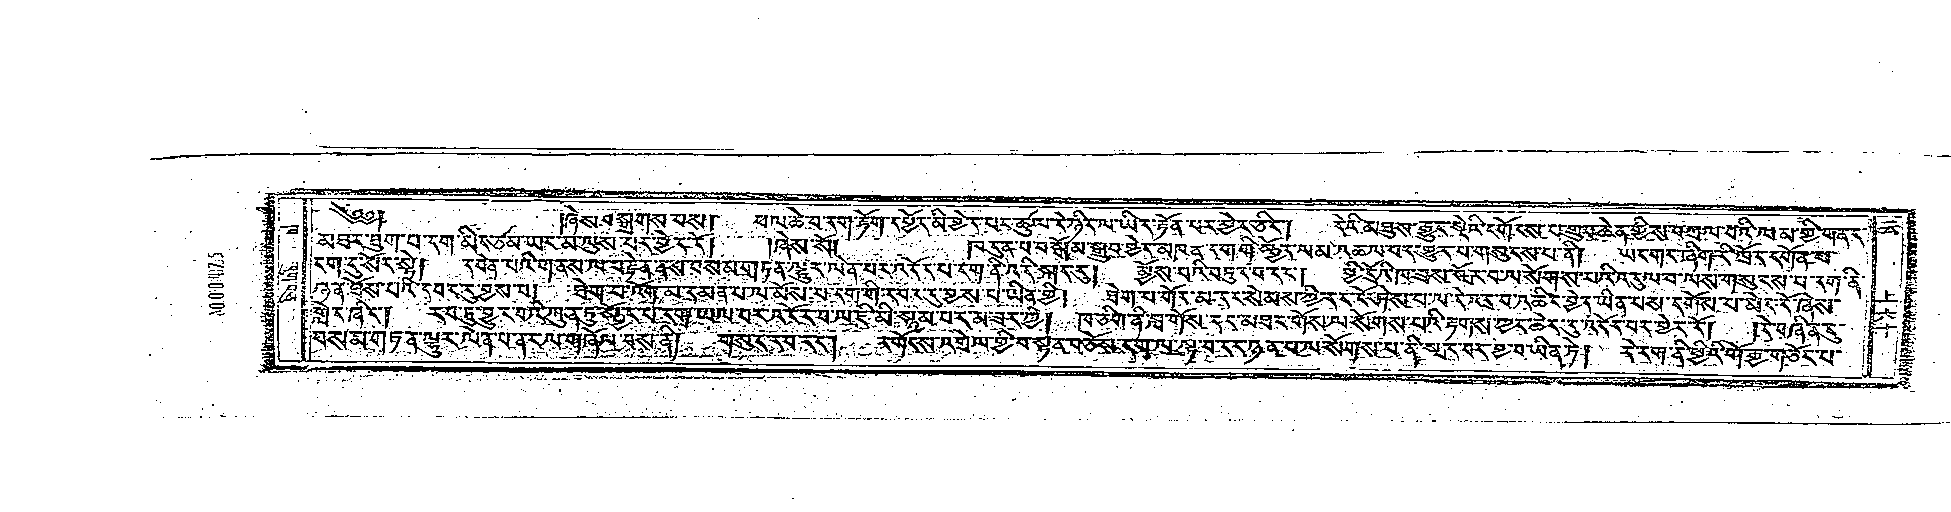༄༅། །ཞེས་བསྒྲགས་པས། ཕལ་ཆེ་བ་དག་རྟོག་དཔྱོད་མི་བྱེད་པར་ཚུལ་དེ་ཉིད་ལ་ཡིད་རྟེན་པར་བྱེད་ཅིང་། དེའི་མཐུས་རྒྱུད་སྡེའི་དགོངས་པ་གྲུབ་ཆེན་གྱིས་བཀྲལ་བའི་ལམ་གྱི་གནད་
མཐར་ཐུག་པ་དག་མིང་ཙམ་ཡང་མ་ལུས་པར་བྱེད་དོ། །ཞེས་སོ། །བདུན་པ་བསྒོམ་སྒྲུབ་བྱེད་མཁན་དག་གི་སྤྱོད་ལམ་འཆལ་བར་གྱུར་པ་གསུངས་པ་ནི། ཡང་གང་ཞིག་རི་ཁྲོད་དགོན་པ་
དག་དུ་སོང་སྟེ། དབེན་པའི་གནས་ལ་བརྟེན་ནས་བསམ་གཏན་ལྷུར་ལེན་པར་འདོད་པ་དག་ནི་འདི་སྐད་དུ། མྱོས་པའི་བཏུང་བ་དང་། ཕྱི་དྲོའི་ཁ་ཟས་སྤོང་བ་ལ་སོགས་པའི་འདུལ་བ་ལས་གསུངས་པ་དག་ནི་
ཉན་ཐོས་པའི་དབང་དུ་བྱས་པ། ཐེག་པ་འོག་མ་དམན་པ་ལ་མོས་པ་དག་གི་དབང་དུ་བྱས་པ་ཡིན་གྱི། ཐེག་པ་གོང་མ་དང་སེམས་ཀྱི་རང་ངོ་ཤེས་པ་ལ་དེ་འདྲ་བ་འཆིང་བྱེད་ཡིན་པས་དགོས་པ་མེད་དོ་ཞེས་
གླེང་ཞིང་། རབ་ཏུ་བྱུང་བའི་ཀུན་ཏུ་སྤྱོད་པ་དག་ཡལ་བར་འདོར་བ་ལ་ཇི་མི་སྙམ་པར་མ་ཟད་ཀྱི། ཁ་ཅིག་ནི་བླ་གོས་དང་མཐང་གོས་ལ་སོགས་པའི་རྟགས་ཀྱང་ཆེད་དུ་འདོར་བར་བྱེད་དོ། །དེ་བཞིན་དུ་
བསམ་གཏན་ལྷུར་ལེན་པ་ནང་ལ་གཞོལ་བས་ནི། གསུང་རབ་དང་། དགོངས་འགྲེལ་གྱི་བསྟན་བཅོས་དག་ལ་ལྟ་བ་དང་ཉན་པ་ལ་སོགས་པ་ནི་སྤང་བར་བྱ་བ་ཡིན་ཏེ། དེ་དག་ནི་ཕྱིའི་གོ་རྒྱ་གཅོང་པ་